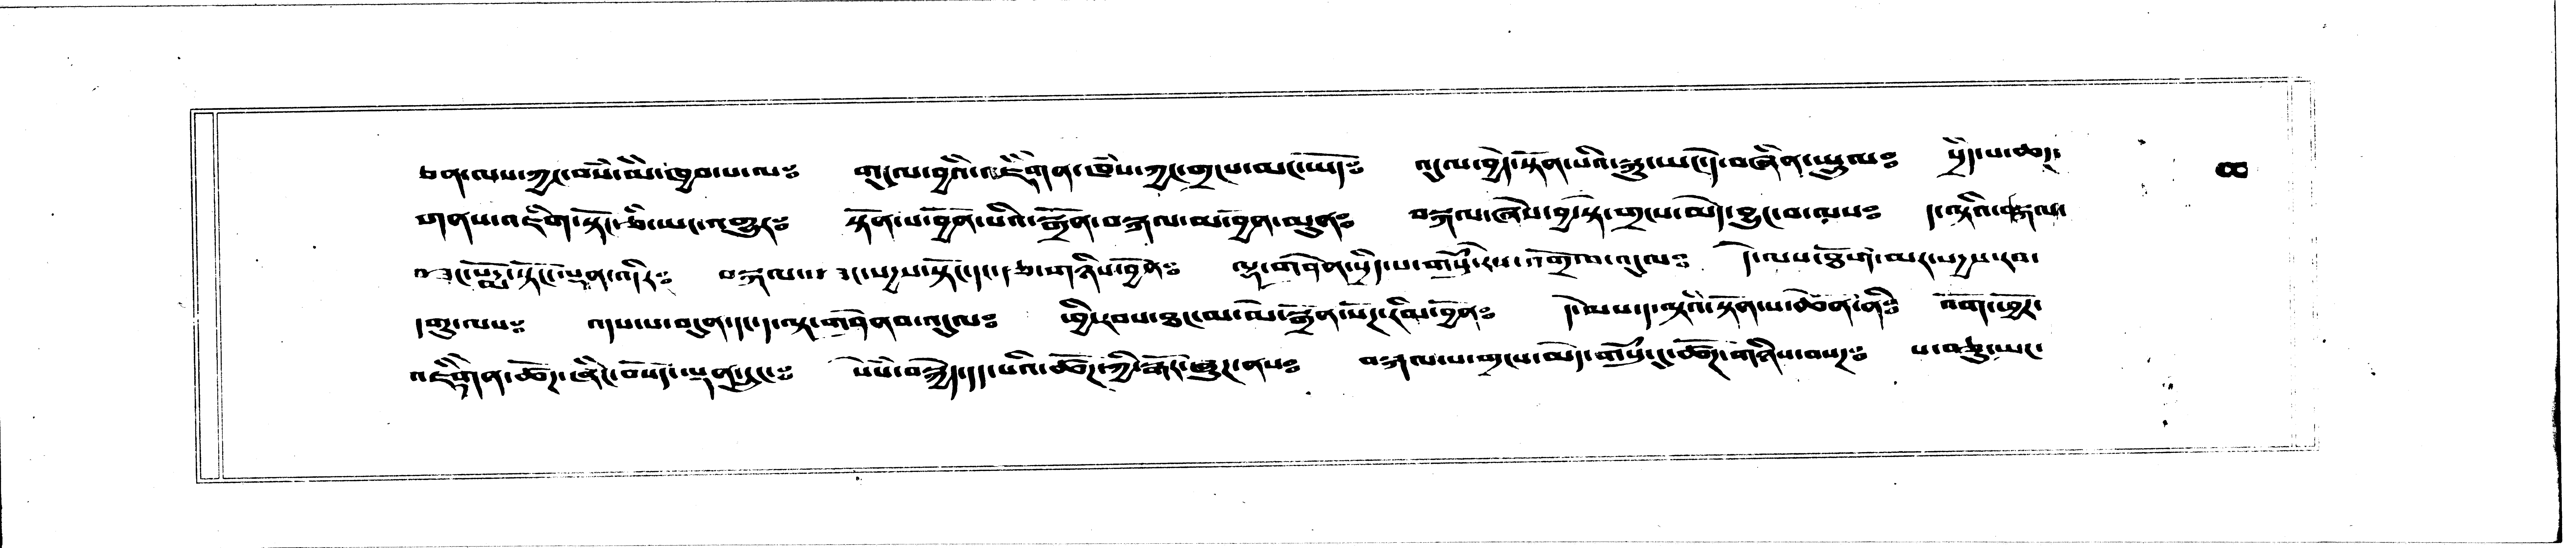ཅན་ལས་ཀྱང་བསམ་མི་ཁྱབ་པ་ལཿ གདུལ་བྱའི་འཇིག་རྟེན་ཁམས་ཀྱང་གྲངས་མང་ཡོདཿ འདུལ་བྱེད་སྟོན་པའི་སྐུ་ཡང་དེ་བཞིན་སྤྲུལཿ སྲིད་པ་ཆགས་
གནས་འཇིག་སྟོང་ཅི་ཡང་འགྱུརཿ སྟོན་པ་བྱོན་པའི་སྒྲོན་བསྐལ་མ་བྱོན་མུནཿ བསྐལ་ཞེས་བྱ་སྟེ་གྲངས་མེད་བྱུང་བ་ལསཿ ད་ལྟའི་བསྐལ་
བཟང་པད་མོ་སྟོང་ལྡན་འདིརཿ བསྐལ་བཟང་སངས་རྒྱས་སྟོང་དང་རྩ་གཉིས་བྱོནཿ ལྷ་གཤེན་སྲིད་པ་གསུམ་རེས་འགྲོ་བ་འདུལཿ དེ་ལས་ཐོག་མར་སངས་རྒྱས་རབ་
དགུ་ལསཿ འདས་པ་བདུན་དང་ད་ལྟ་གཤེན་རབ་འདུལཿ ཕྱི་རབས་ཐང་མ་མེ་སྒྲོན་སོགས་རིམ་འབྱོནཿ དེ་ལས་ད་ལྟའི་སྟོན་པ་ཆེན་པོ་ནིཿ འོག་ཕྱོགས་
འཇིག་རྟེན་ཚོགས་ཞིང་བསོད་ལྡན་དྲུངཿ སེམས་བསྐྱེད་དད་པའི་ཚོགས་ཀྱི་སྒོར་ཞུགས་ནསཿ བསྐལ་པ་གྲངས་མེད་གསུམ་དུ་ཚོགས་གཉིས་བསགསཿ ས་བཅུ་ཡང་